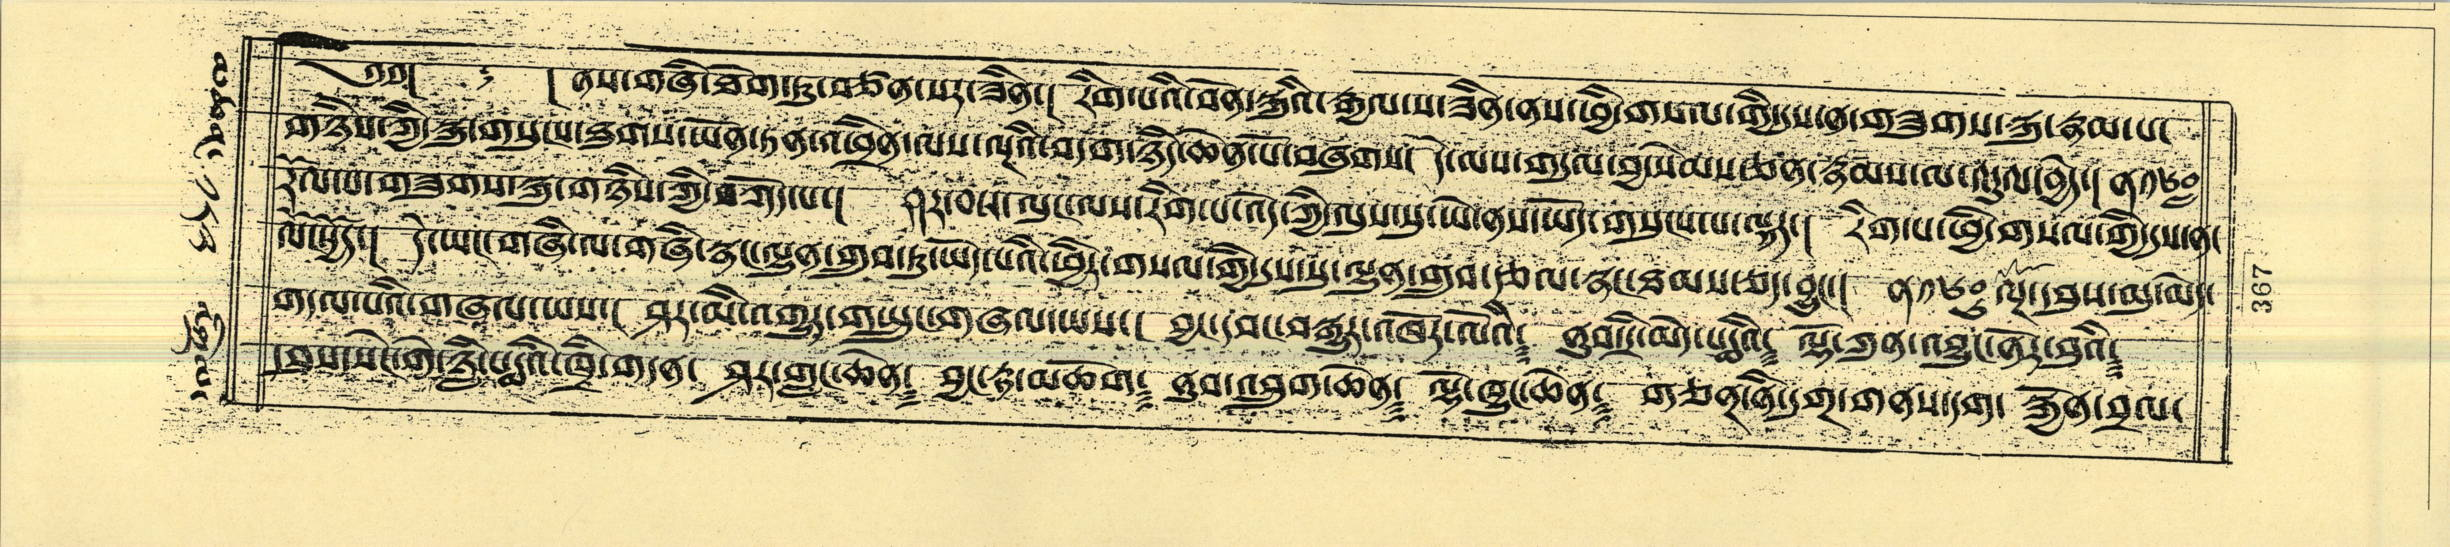ནས་གཞི་ཐོག་ཏུ་བཙན་སར་ཟིན། རིག་པའི་བོན་སྐུའི་རྒྱལ་ས་ཟིན་ནས་ཕྱི་གསལ་གྱི་དུས་ན་གཟུགས་སྐུ་རྣམ་པ་
གཉིས་ཀྱི་སྐུ་གསུངས་ཐུགས་ཡོན་ཏན་འཕྲིན་ལས་ལྔའི་བདག་ཉིད་ཆེན་པོ་བཞུགས། དེ་ལས་གདུལ་བྱ་སེམས་ཅན་རྣམས་ལ་ ༼འདུལ་བྱེད།༽ན༡༦༠།༤ 
༼རོལ་པ་༽གཟུགས་སྐུ་གཉིས་ཀྱི་བཀོད་པ། ༼ཤར་བས་༽ལུང་ལས་རིག་པ་འོད་ཀྱི་ལུས་སུ་ཡེ་ནས་ཡོད་གསུངས་པ་ལྟར། རིག་པ་ཕྱི་གསལ་གྱི་དུས་ན་ 
ལོངས་སྤྱོད།༽༼དེ་ཡང་༽གཞི་ལ་གཞི་སྣང་ལྷུན་གྲུབ་ཏུ་ཡོད་པའི་ཕྱིར་གསལ་གྱི་དུས་སུ་ལྷུན་གྲུབ་རྩལ་སྣང་ཐམས་ཅད་ ༼བྱུང།༽ན༡༦༠།༦ ༼ལྔ་༽དབུས་མུ་མེད་
གདལ་པའི་གཞལ་ཡས། ཤར་མི་འགྱུར་གཡུང་དྲུང་གཞལ་ཡས། བྱང་དབང་བསྒྱུར་འཁོར་ལོའི་་། ནུབ་དྲི་མེད་པདྨའི་་། ལྷོ་ཀུན་འབྱུང་ནོར་བུའི་་། ད
བུས་སེང་གེ་ཉི་ཟླ་པདྨའི་ཁྲི་གདན། ཤར་གླང་ཆེན་་་། བྱང་རྟ་མཆོག་་་། ནུབ་འབྲུག་ཆེན་་། ལྷོ་ཁྱུང་ཆེན་་་། གཅན་གཟན་ནི་དུག་ལྔ་གནས་དག སྐྱོན་བྲལ་